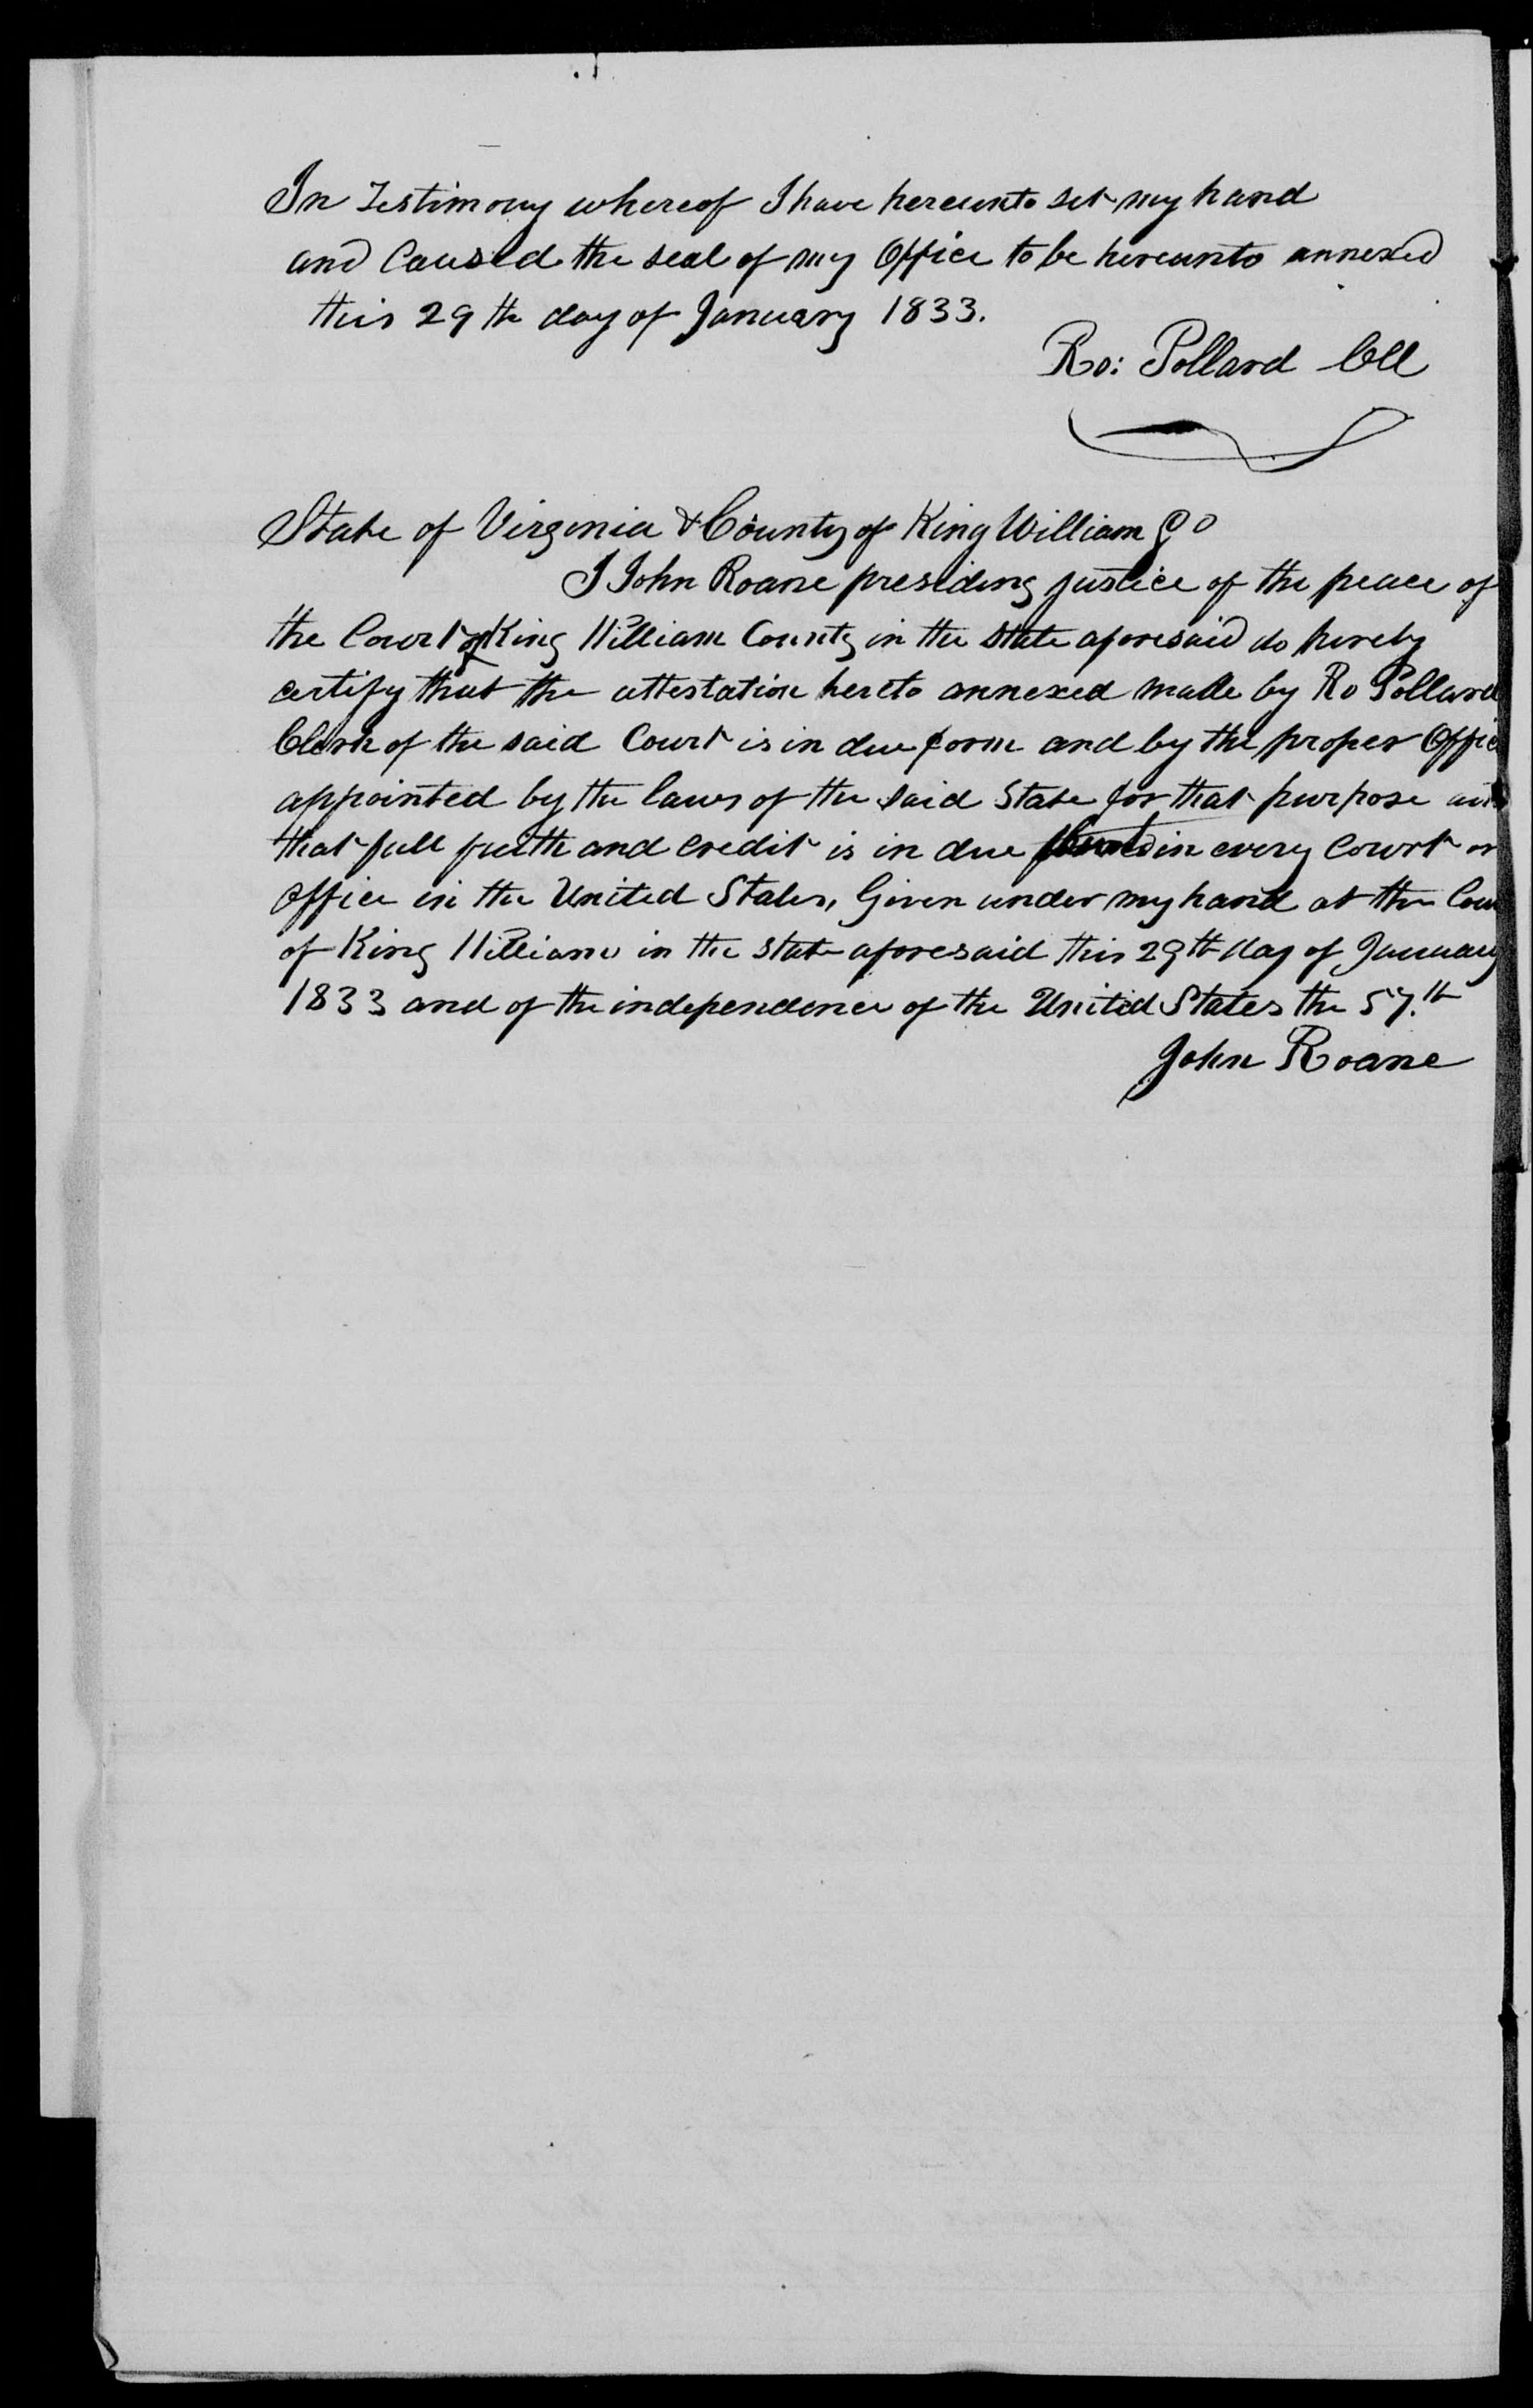In testimony whereof I have hereunto set my hand and caused the seal of my office to be hereunto annexed this 29th day of January 1833.

Ro: Pollard Cll

State of Virginia + County of King William So

I John Roane presiding Justice of the Peace of the Court of King William County in the State aforesaid do hereby certify that the attestation hereto annexed made by Ro Pollard Clerk of the said Court is in due form and by the proper office appointed by the laws of the said state for that purpose and that full faith and credit is in due him in every Court or office in the United States. Given under my hand at the Cou? of King William in the state aforesaid this 29th day of January 1833 and of the independence of the United States the 57th

John Roane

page: 10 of 22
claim: rejected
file: R. 17251, for Thomas Quarles, Virginia